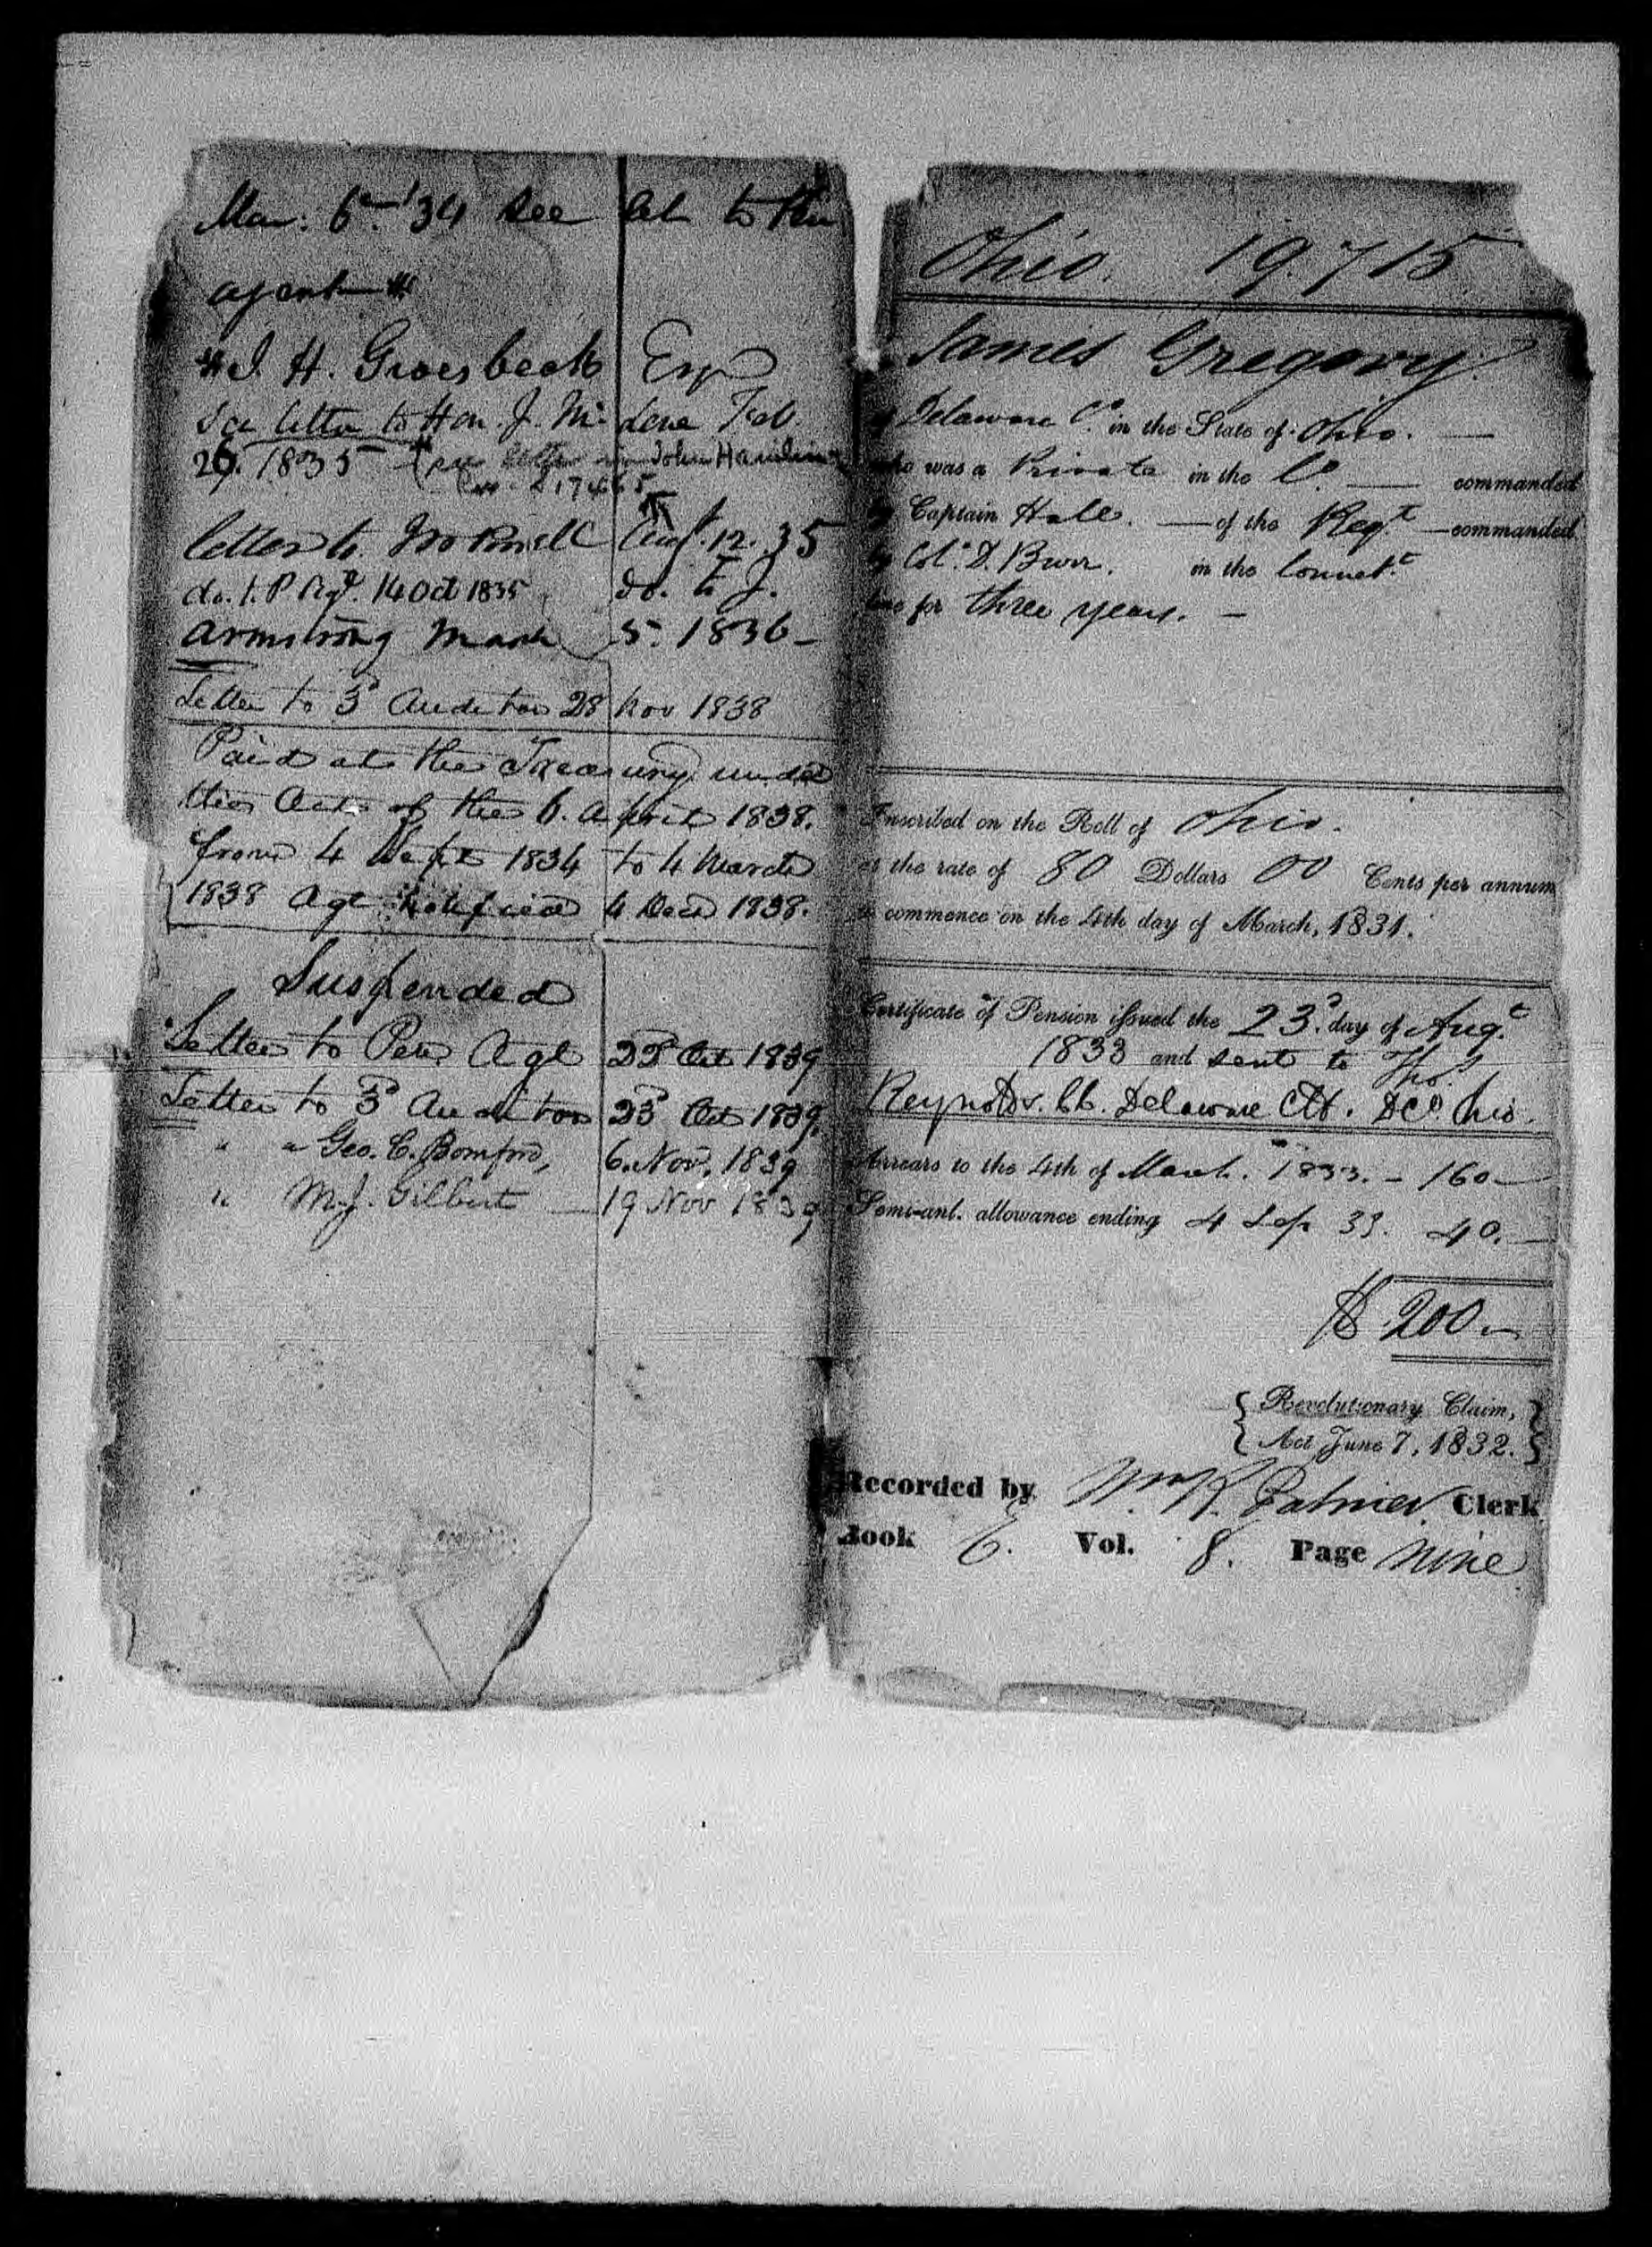Ohio 19715
============
James Gregory
of Delaware Co in the State of Ohio
who was a Private in the Co. commanded 
by Captain Hall of the Regt. commanded
by Col. D. Bur in the Connet
line for three years.
=================
Inscribed on the Roll of Ohio
at the rate of 80 Dollars 00 cents per annum
to commence on the 4th day of March, 1831.
=================
Certificate of Pension issued the 23d day of Augt. 1833 and sent to Thos. Reynolds CC Delaware CTT. DCo Ohio
=================
Arrears to the 4th of March 1833  160--
Semi-anl. allowance ending 4 Sept 33  40--
$200.00
{Revolutionary Claim,}
{Act June 7, 1832}
Recorded by Wm R. Plmer Clerk
Book E Vol. 8 Page nine



mar 5 '34 see let to the agent*
*J. H. Groesbeck Esq
Sce letter to Hon. J. Midene Feb 26 1835 
(see letter in John Hawling Rec S17465

letter to JN Powell Aug. 12. 35
do. I. P. Agt 14 Oct 1835  do E.J
Armstrong March 5, 1836
Letter to 3 Auditor 28 Nov 1838

Paid at the Treasury under 
the Act of the 6 April 1838.
from 4 Sept 1834 to 4 March 1838 Agt notified 4 Dec 1838.

Suspended
Letter to Pete Agt 22 Oct 1839
Letter to 3d Auditor 23 Oct 1838
Letter to Geo. C. Bomford 6 Nov. 1839
Letter to M.J. Gilbert 18 Nov 1839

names: M J Gilbert, Hall, Wm R Palmer, D Burr, J M Lena, J H Groesbeck, James Gregory, Geo C Bomford, T W Powell, Thos Reynolds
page: 2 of 27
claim: survivor's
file: S. 17445, James Gregory, Conn.